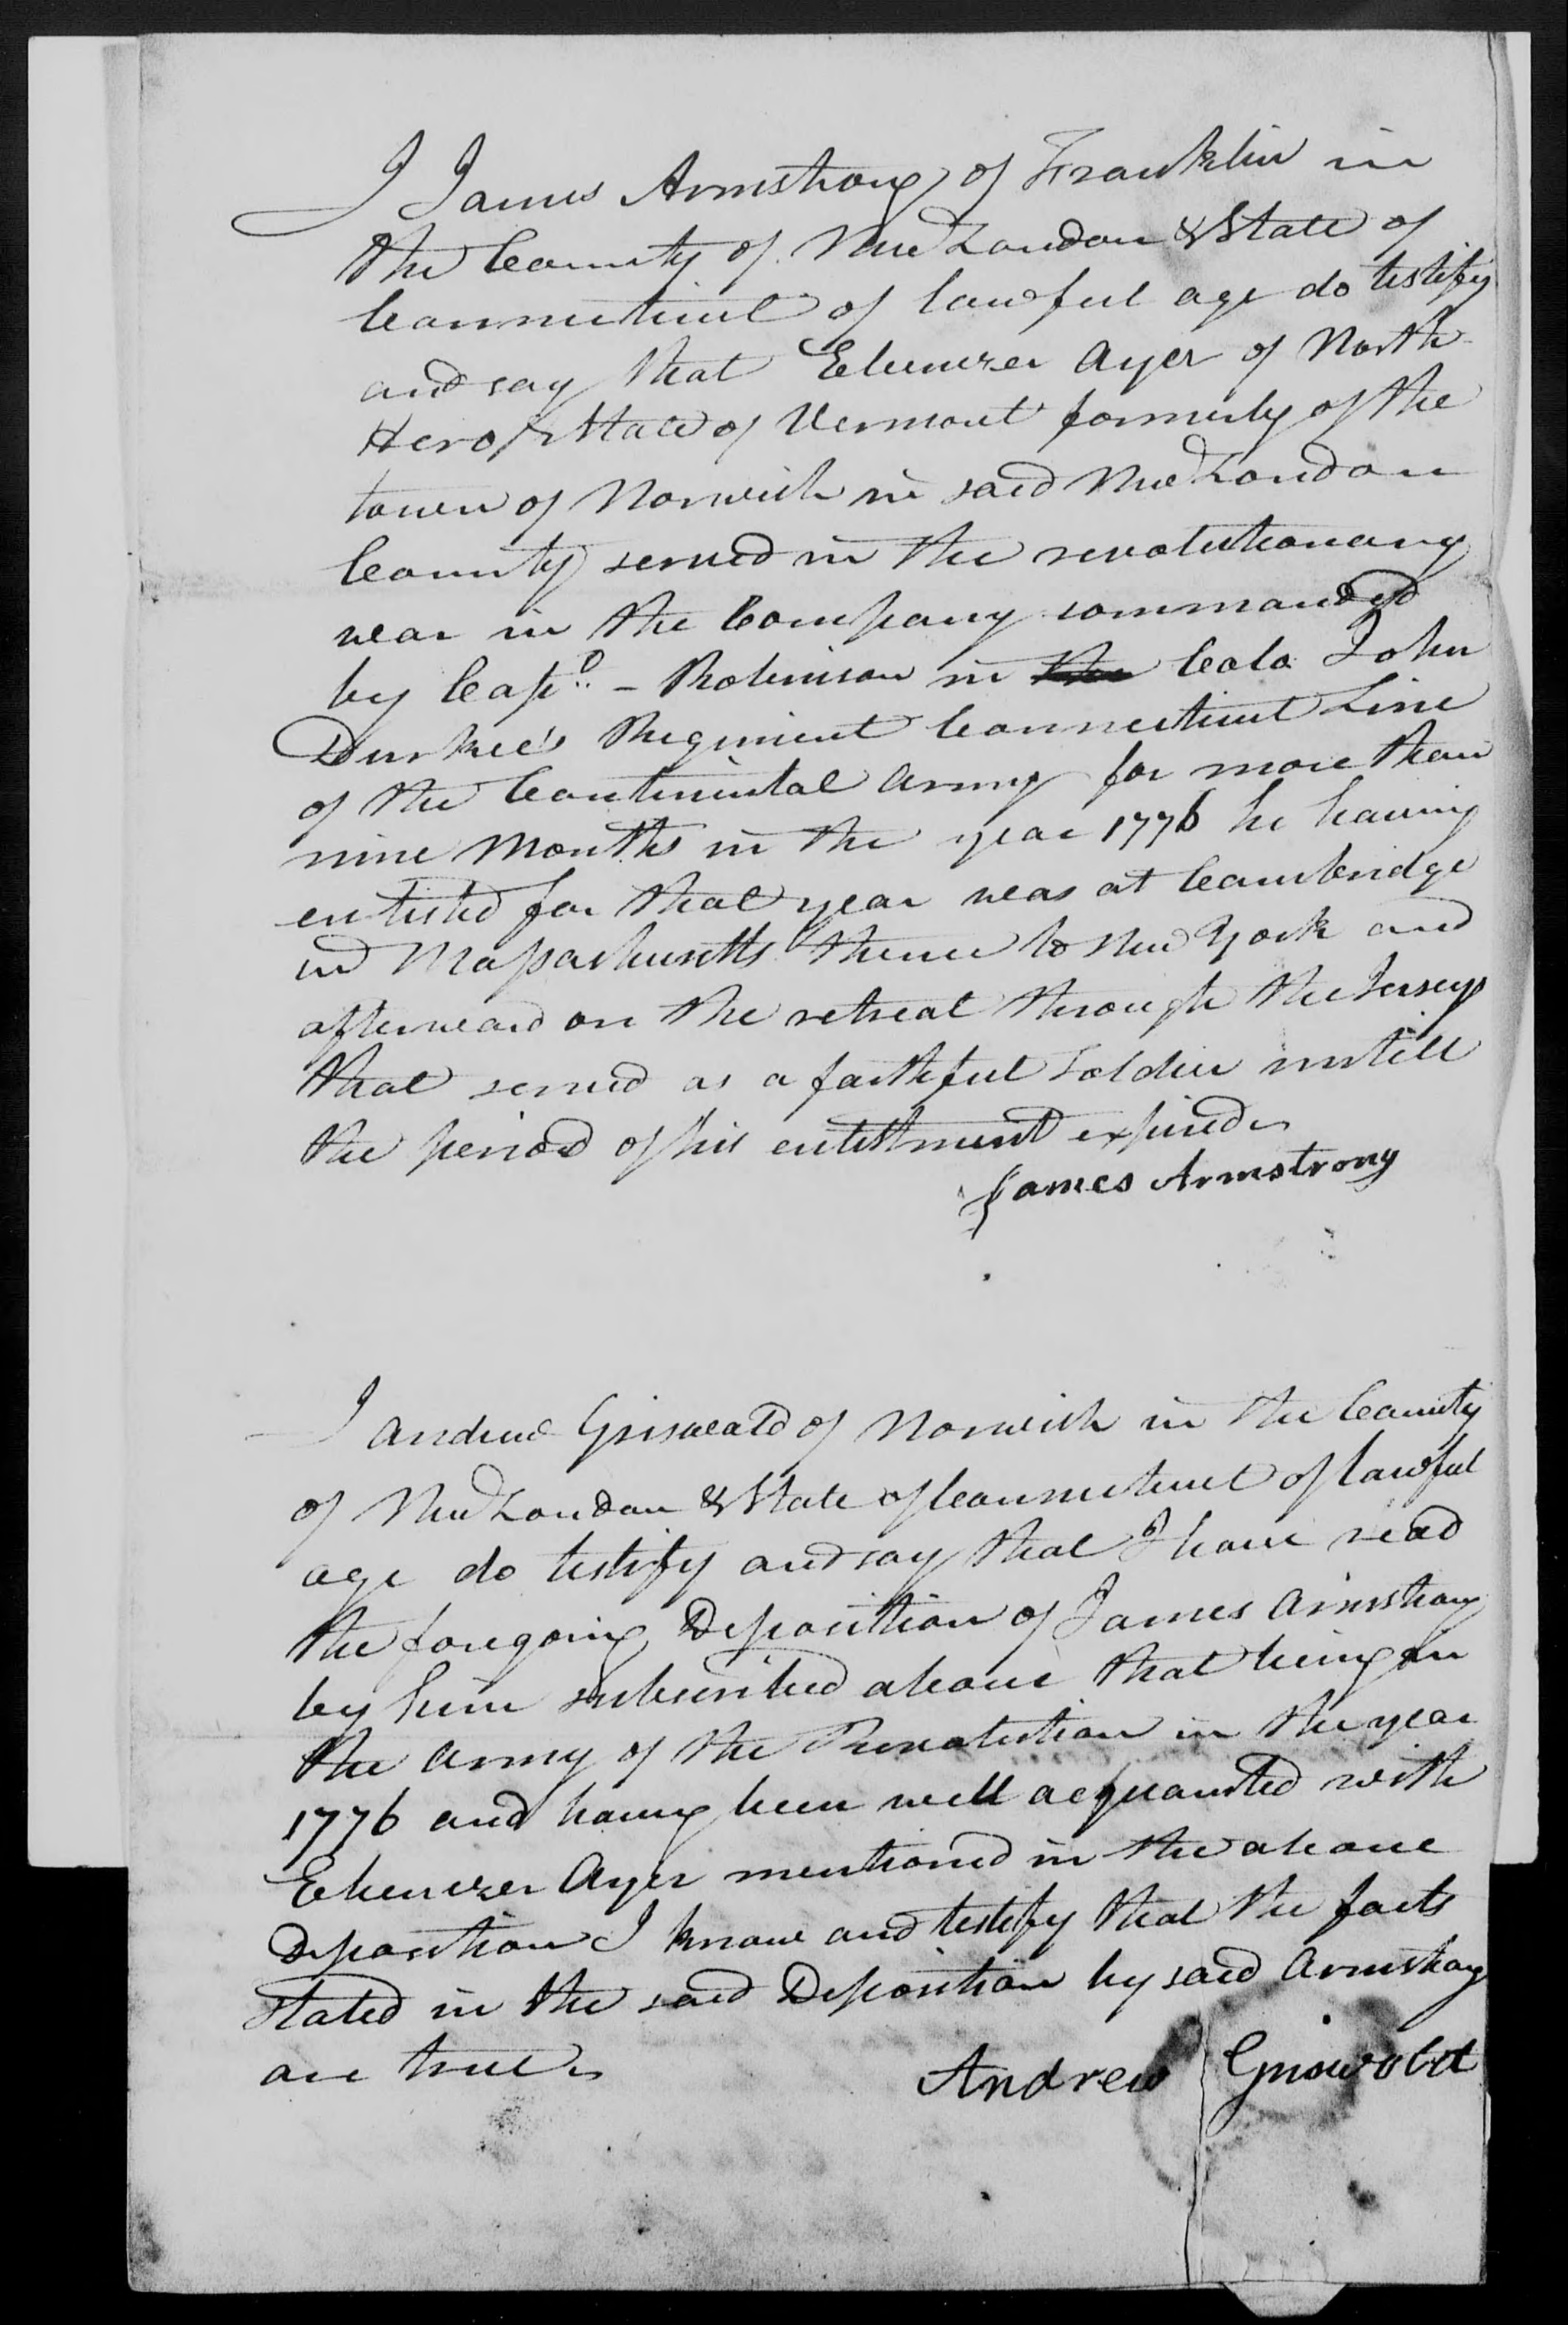I James Armstrong of Franklin in the County of New London & State of Connecticut of lawful age do testify and say that Ebenezer Ayer of North Hero & State of Vermont formerly of the town of Norwich in said new London County served in the revolutionary war in the Company commanded by Capt Robinson in Colo John Durkee's Regiment Connecticut Line of the Continental Army for more than nine months in the year 1776 he having enlisted for that year was at Cambridge in Massasschusetts thence to New York and afterward on the retreat through New Jersey that served as a faithful soldier untill the period of his enlistment expired~
James Armstrong
I Andrew Griswold of Norwich in the County of New London & State of Connecticut of lawful age do testify and say that I have read the foregoing Deposition of James Armstrong by him subscribed above that being in the army of the Revolution in the year 1776 and having been well acquainted with Ebenezer Ayer mentioned in the above Deposition I know and testify that the facts stated in the said Deposition by said Armstrong are true~
Andrew Griswold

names: Andrew Griswold, James Armstrong, Robinson M, Ebenezer Ayer, James Armstrong, Ebenezer Ayer, Andrew Griswold, James Armstrong, James Armstrong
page: 28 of 50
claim: widow's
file: W. 8559, Ebenezer Ayer, Continental (Conn)